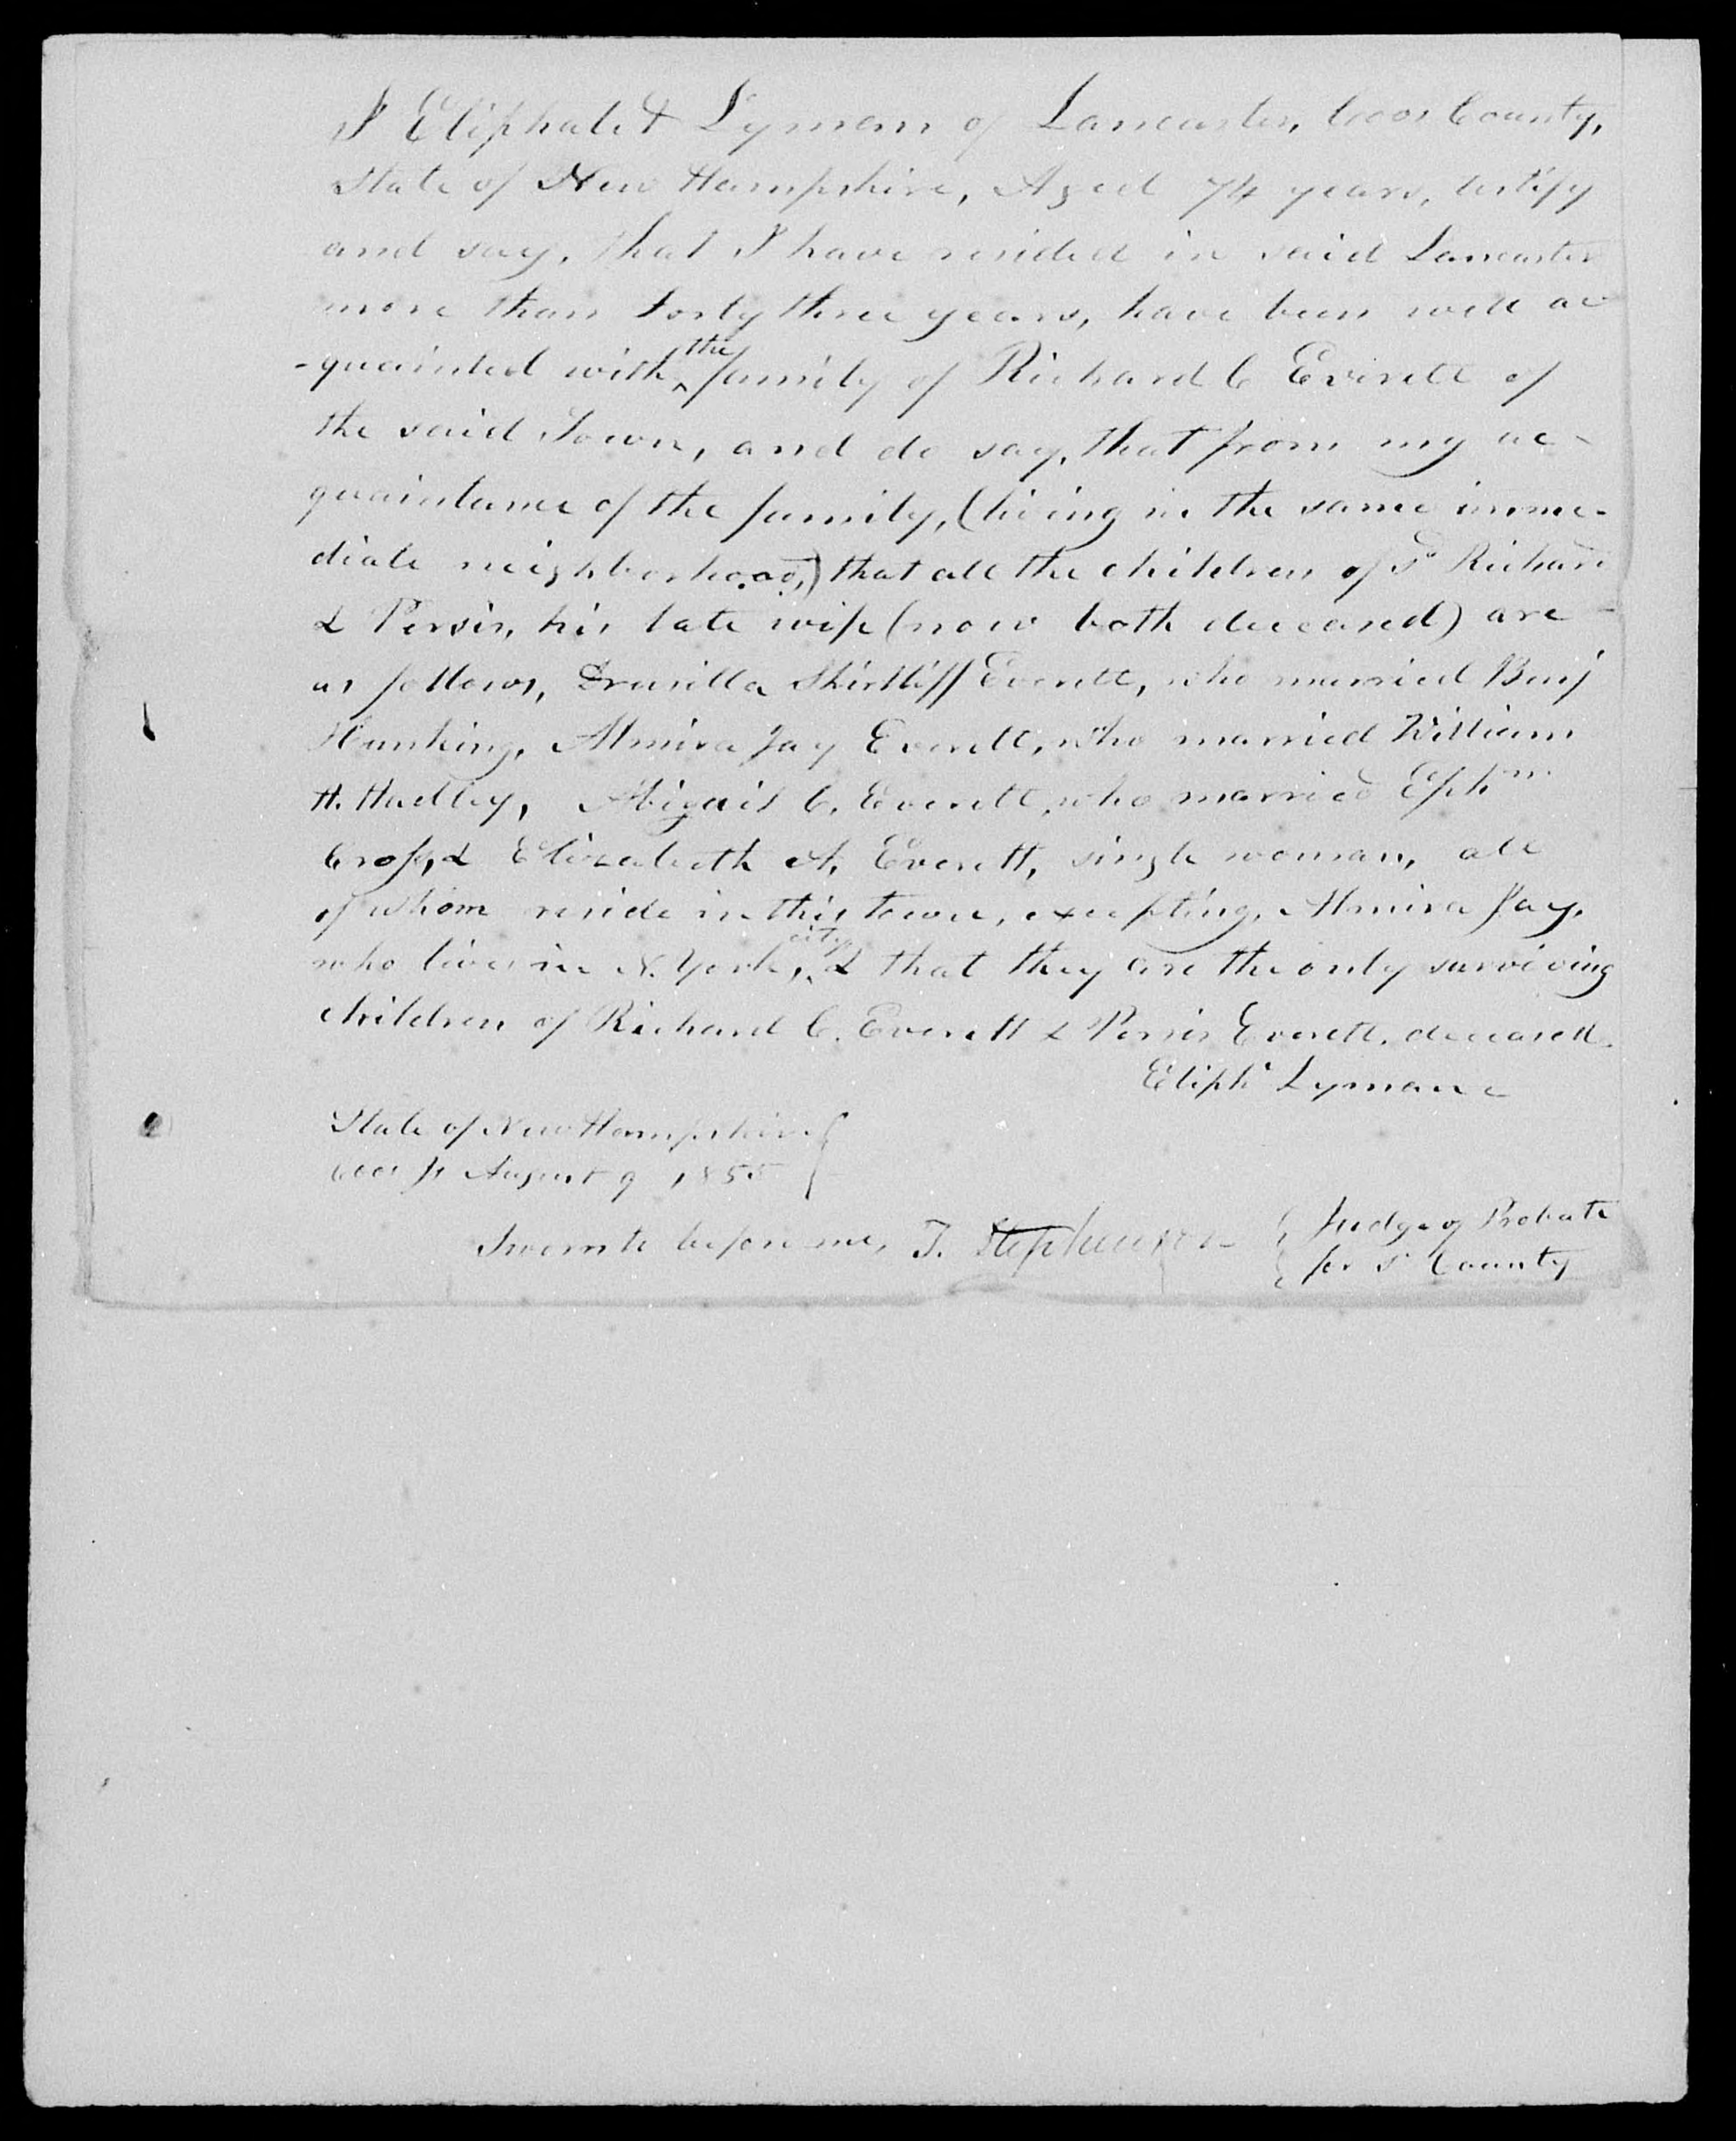I Eliphalet Lyman of Lancaster, Coos County, State of New Hampshire, Aged 74 years, certify and say, that I have resided in said Lancaster more than forty three years, have been well acquainted with the family of Richard C Everett of the said Town, and do say that from my acquaintance of the family, (being in the same immediate neighborhood) that all the children of sd. Richard & Persis, his late wife (now both deceased) are as follows, Drusilla Shirtliff Everett, who married Benj Hunking, Almira Jay Everett, who married William H. Hadley, Abigail C. Everett, who married Ephm Cross, & Elizabeth A. Everett, single woman, all of whom reside in this town, excepting, Almira Jay, who lives in N. York City, & that they are the only surviving children of Richard C. Everett & Persis Everett, deceased.
Eliph' Lyman
State of New Hampshire
Coos Ss August 9 1855}
Sworn to before me, T. Stephenson_} Judge of Probate for sd. County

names: Richard C Everett, Abigail C Everett, Eliph Lyman, Almira Jay, T Stephenson, Persis, Eliphalet Lyman, Richard C Everett, Richard, Benj Hunking, William H Hadley, Drusilla Shirtliff Everett, Almira Jay Everett, Elizabeth A Everett, Persis Everett, Ephm Cross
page: 59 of 59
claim: widow's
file: W. 23017, Richard Clair Everett, Mass.